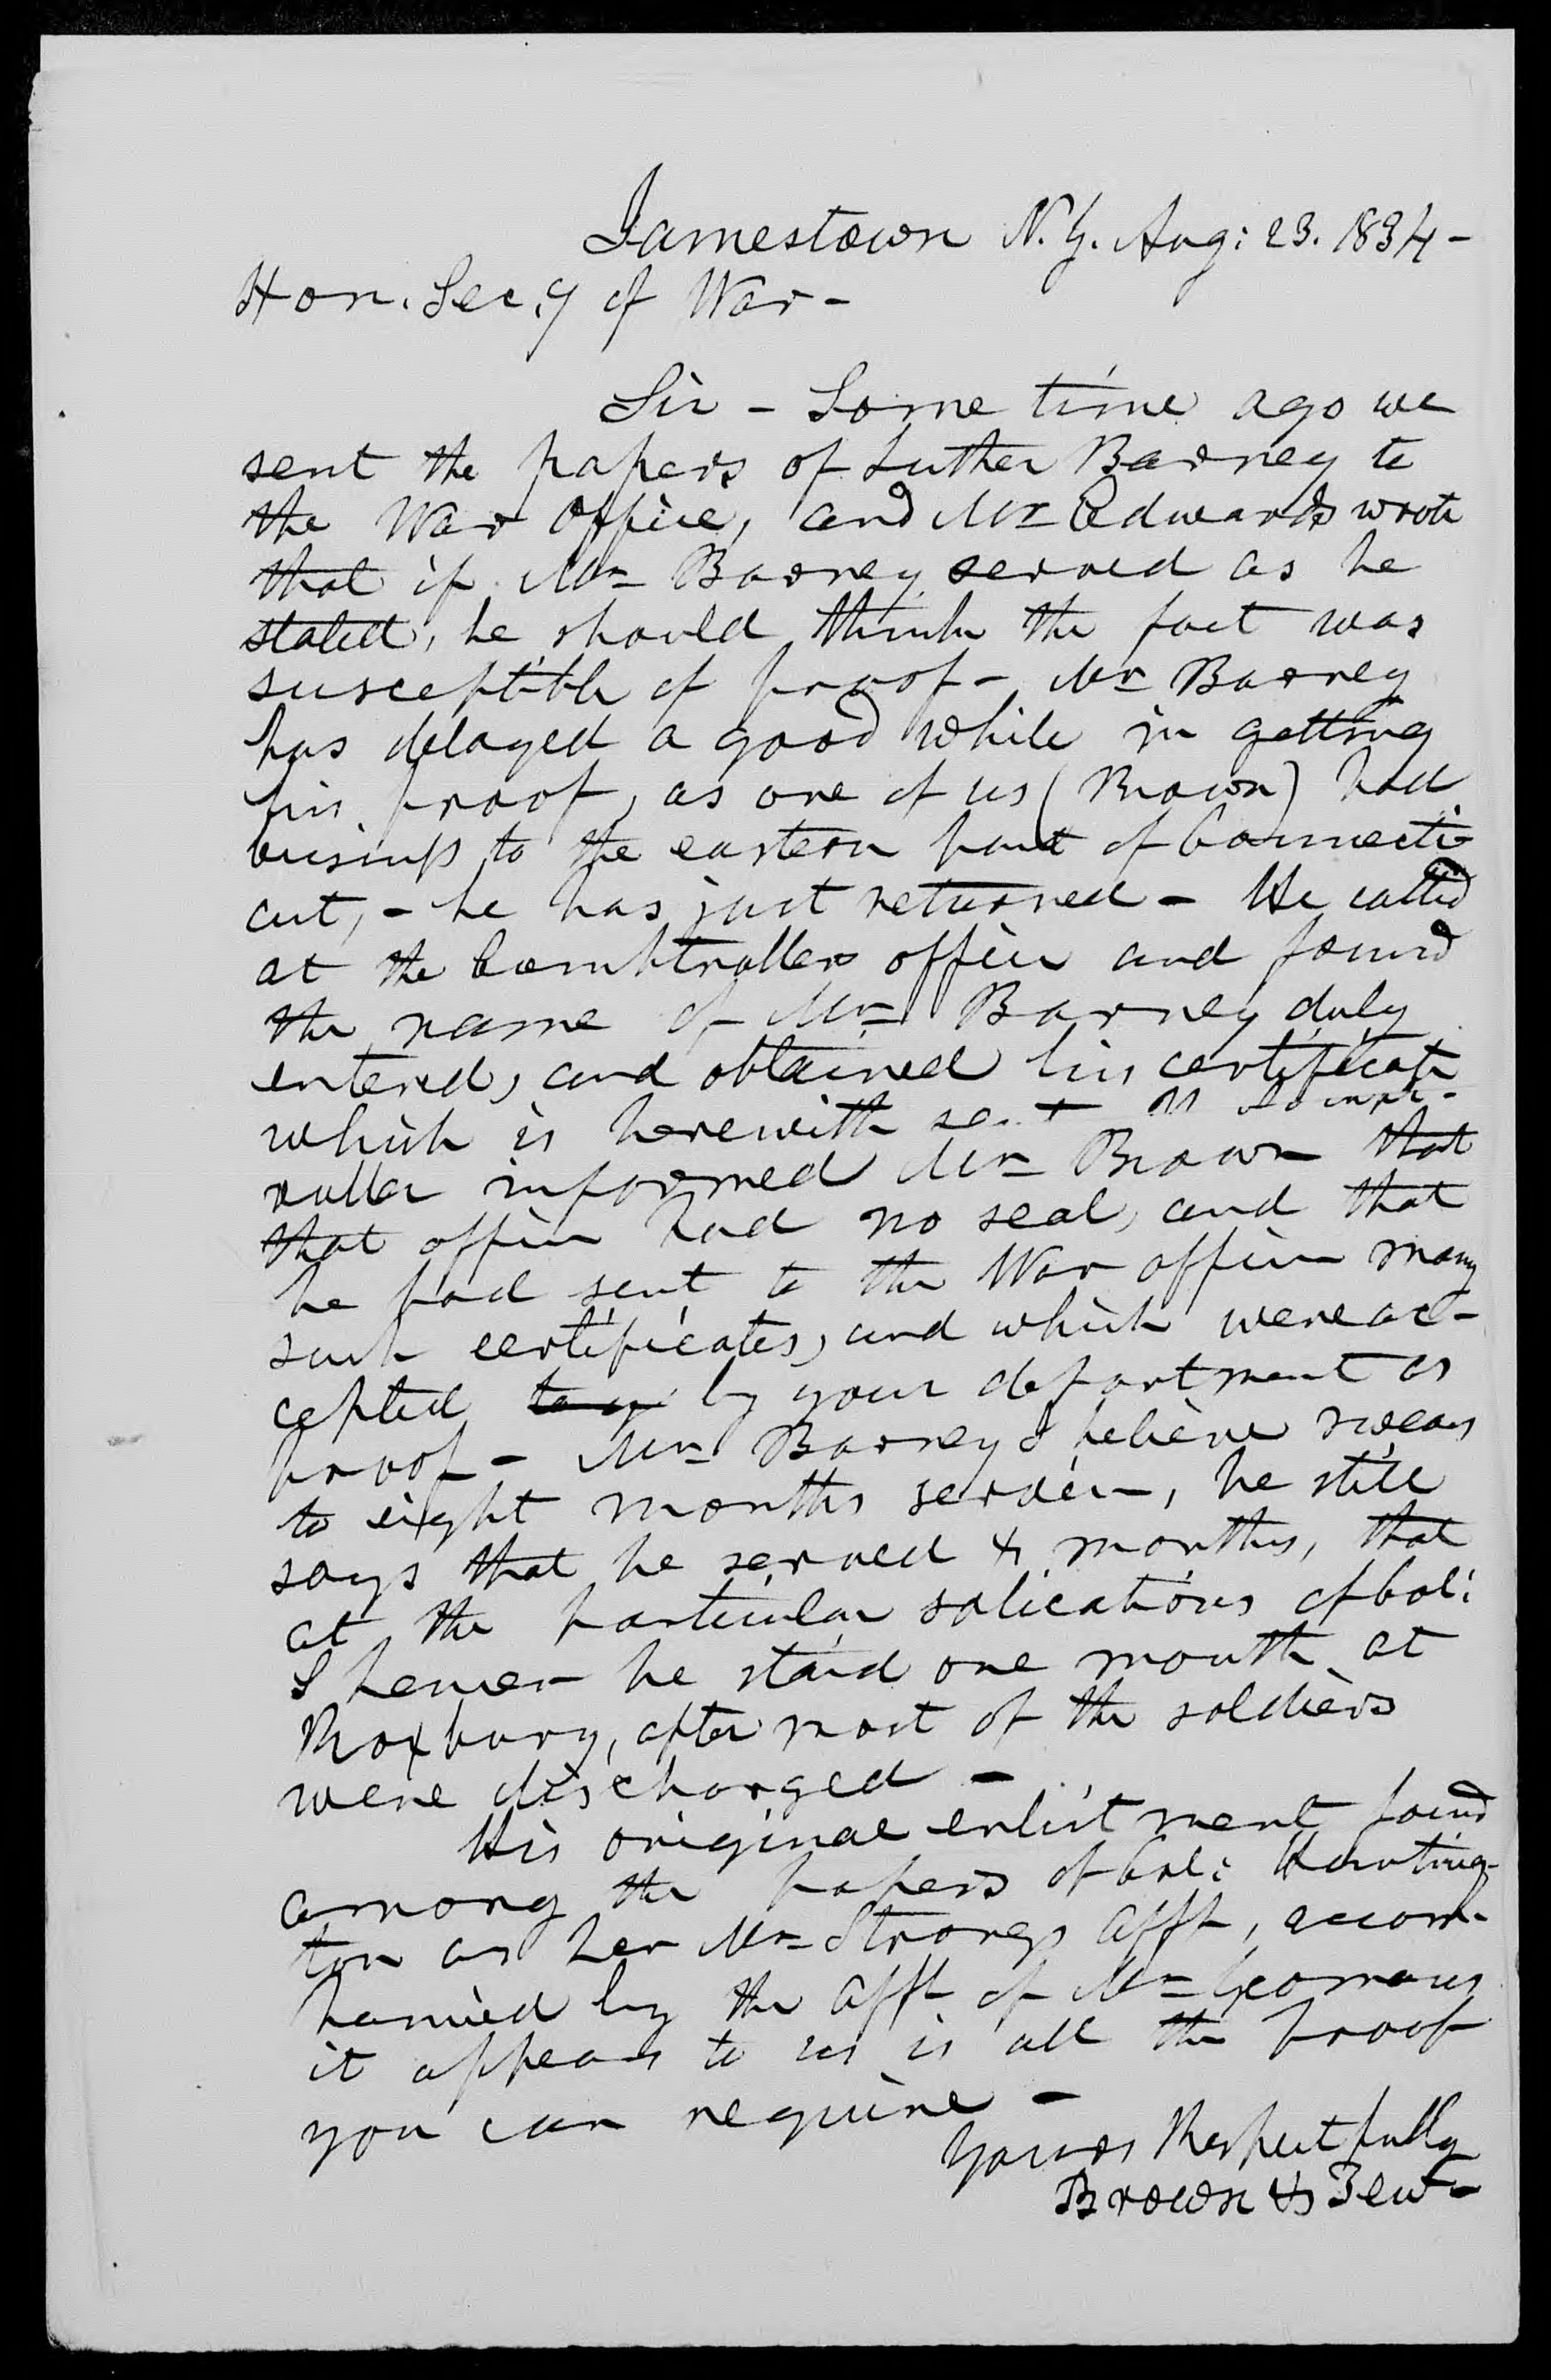Jamestown N.Y. Aug. 23. 1834-
Hon. Sec.y of War-

Sir-- Some time ago we sent the papers of Luther Barney to the War Office, and Mr Edwards wrote that if Mr Barney served as he stated, he should think the fact was susceptible of proof. Mr Barney has delayed a good while in getting his proof, as one of us (Brown) had business to the eastern part of Connecticut, he has just returned-- he called at the Comptrollers office and found the name of Mr Barney duly entered, and obtained his certificate which is herewith sent The Comptroller informed Mr Brown that that office had no seal, and that he had sent to the War Office many such certificates, and which were accepted by your department as proof. Mr Barney I believe holds to eight months service-, he still says that he served 8 months, that at the particular solications of Col. [illegible] he staid one month at Roxbury, after most of the soldiers were discharged.

His original enlistment found among the papers of Col. Huntington as for Mr Strongs afft, accompanied by the afft of Mr Yeomans it appears to us is all the proof you can require.

Yours Respectfully
Brown & Sew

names: Luther Barney, Barney, Strong, Zew, Edwards, Barney, Barney, Barney, Huntington, Brown, Brown, Brown, Yeomans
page: 38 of 61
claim: widow's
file: W. 4.124, Luther Barney, Conn. Privateer.